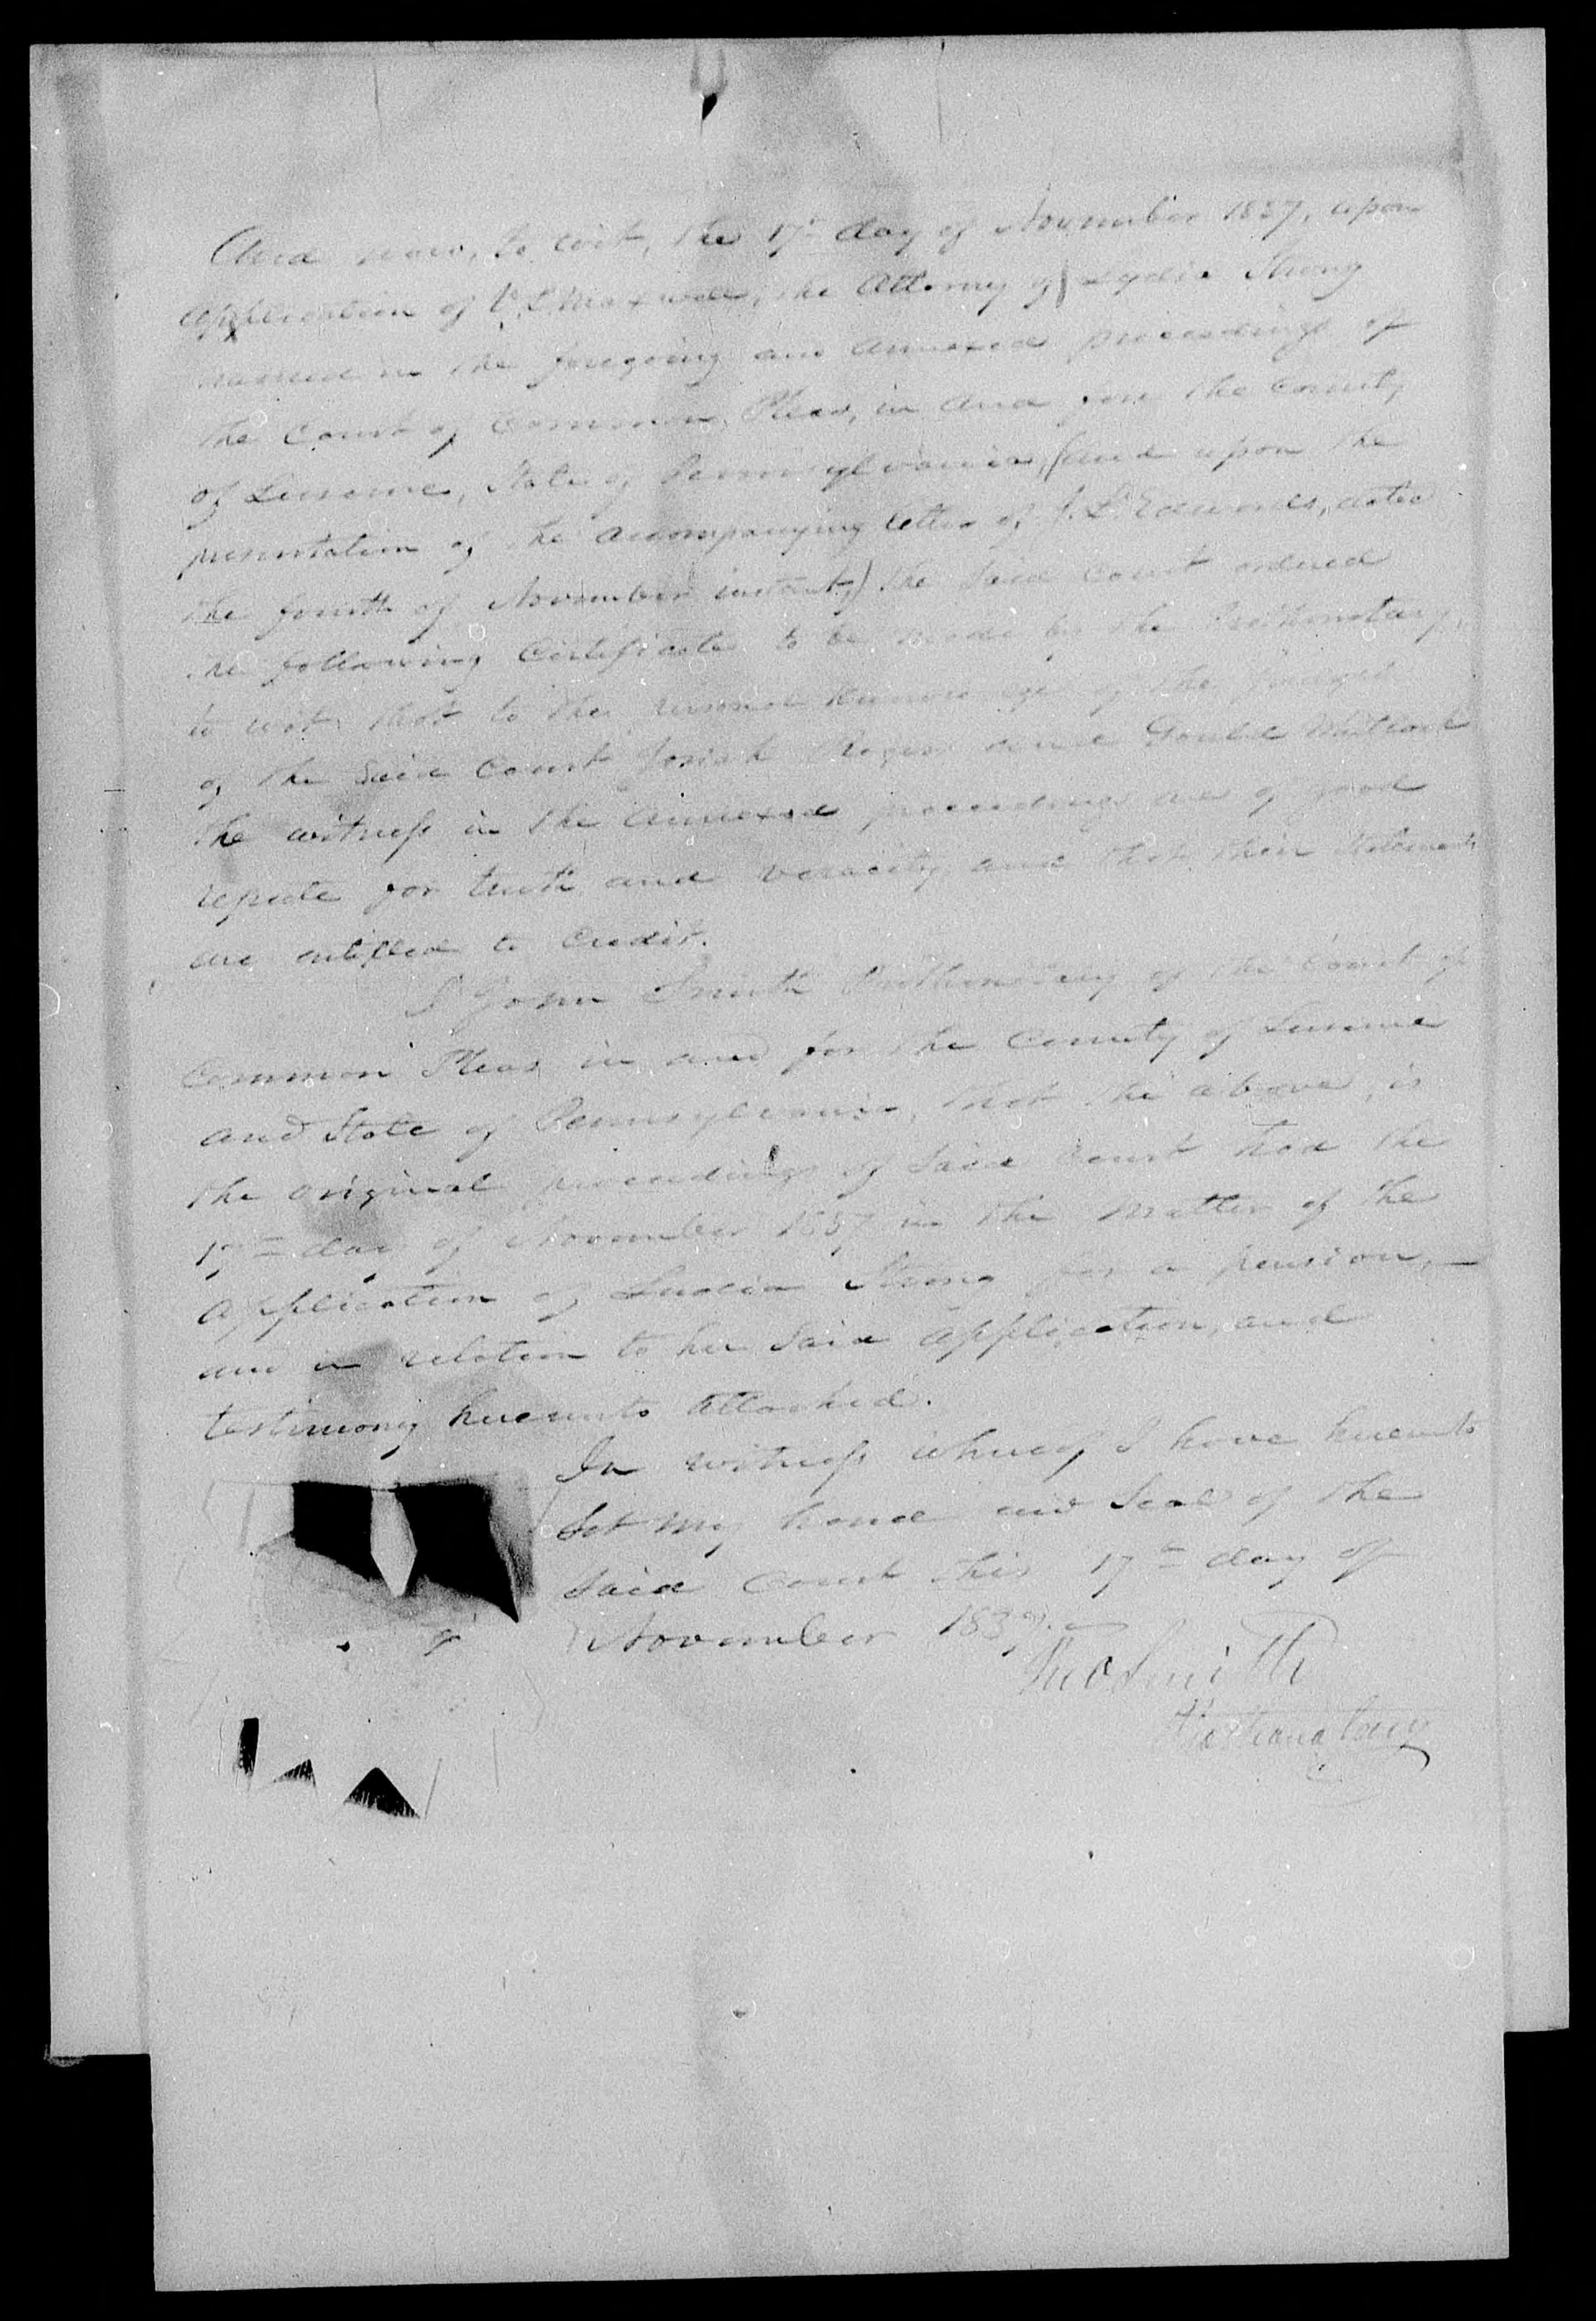And now to wit the 7th day of November 1837, upon application of V. L. Maxwell, the Attorney for Lydia Strong named in the foregoing and annexed proceedings of the Court of Common Pleas, in and for the County of Luzerne, State Pennsylvania and upon the presentation of the accompanying letter of J. L. Edwards, dated the fourth of November instant the said Court ordered the following certificate to be made by the prothonotary to wit that to the personal knowledge of the said Judges of the said Josiah Rogers and Gould Whitlock the witnesses in the annexed proceedings are of good repute for truth and veracity and that their statements are entitled to credit 
I John Smith Prothonotary of the Court of Common Pleas in and for the County of Luzerne and State of Pennsylvania, that the above, is the original recording of said Court that the 17th day of November 1837 in the matter of the application of Lydia Strong for a pension and in relation to her said application, and testimony hereunto attached 
In witness whereof I have hereunto set my hand and seal of the said Court this 17th day of November 1833 
[signed] [John] Smith
Prothonotary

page: 33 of 33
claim: widow's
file: W. 4592, for John Strong, New York